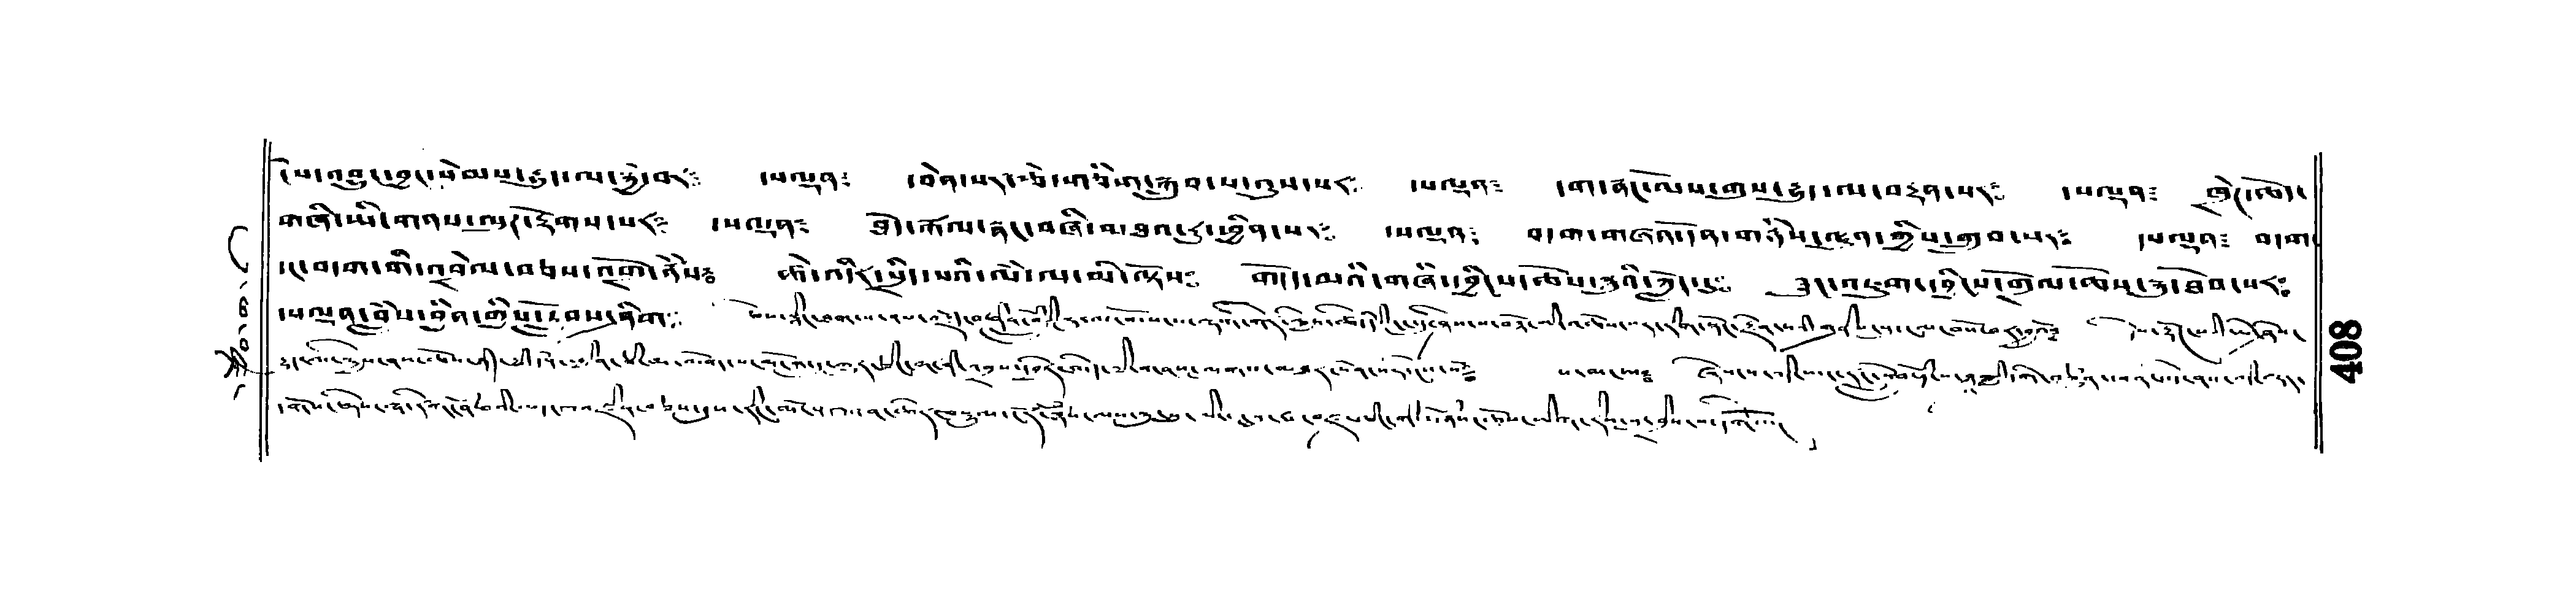ངེས་འབྱུང་བྱང་སེམས་རྒྱུད་ལ་སྐྱེ་བར༔ དཔལ་ལྡན༴ དབེན་པར་རྩེ་གཅིག་སྒྲུབ་པ་ནུས་པར༔ དཔལ་ལྡན༴ དག་སྣང་མོས་གུས་རྒྱུད་ལ་བརྟན་པར༔ དཔལ་ལྡན༴ ཁྲེགས་ཆོད་
གཞི་ཡི་གནས་ལུགས་རྟོགས་པར༔ དཔལ་ལྡན༴ ཐོད་རྒལ་སྣང་བཞི་མཐའ་རུ་ཕྱིན་པར༔ དཔལ་ལྡན༴ བདག་གཞན་དོན་གཉིས་ལྷུན་གྱིས་གྲུབ་པར༔ དཔལ་ལྡན༴ བདག་
དང་བདག་གི་འབྲེལ་བཅས་འགྲོ་རྣམས༔ ཚེ་འདིར་སྲིད་པའི་ལམ་ལ་མི་ལྟོས༔ གདོད་མའི་གཞི་དབྱིངས་ཆོས་སྐུ་ཀློང་དུ༔ ཟུང་འཇུག་དབྱིངས་གྲོལ་ཆོས་སྐུ་ཐོབ་པར༔ 
དཔལ་ལྡན་བླ་མས་བྱིན་གྱིས་རློབས་ཤིག༔ ཅེས་སྙིང་ཐག་པ་ནས་བརྗོད་བཞིན་བླ་མའི་སྐུ་ལ་མོས་པ་ལྷག་གེར་སྐྱེས་ཚེ་དེའི་ངང་དུ་ཤེས་པ་བཟོ་མི་འཆོས་པར་རིག་སྟོང་རྗེན་པའི་གཤིས་སུ་ངལ་གསོ་བར་བྱའོ༔ དེས་རྟོགས་པའི་ཡེ་ཤེས་
རྒྱུད་ལ་སྐྱེས་ནས་ཆོས་ཉིད་ཀྱི་དོན་ཕྱིན་ཅི་མ་ལོག་པ་མངོན་དུ་གྱུར་ཅིང་གཞི་འབྲས་དབྱེར་མེད་ཀྱི་གནས་ལུགས་མཐར་སོན་པར་ངེས་སོ༔ས་མ་ཡ༔ ཞེས་པ་འདི་ཡང་རང་སློབ་དམ་པ་ཤཱཀྱའི་དགེ་བཙུན་ཕན་བདེ་ནས་འདི་ལྟར་
དགོས་ཞེས་ལྷ་རེག་ནམ་མཁའི་མདངས་འཛིན་བཅས་དུས་རིང་མོ་ནས་ནན་ཆེར་བསྐུལ་ངོར་སྙོམས་ལས་ཀུ་སུ་ལི་པ་སུ་ཁ་བཛྲ་མིང་གི་མཉམས་ཆོས་ཡིག་རིས་སུ་བྲིས་པ་དགེའོ།།